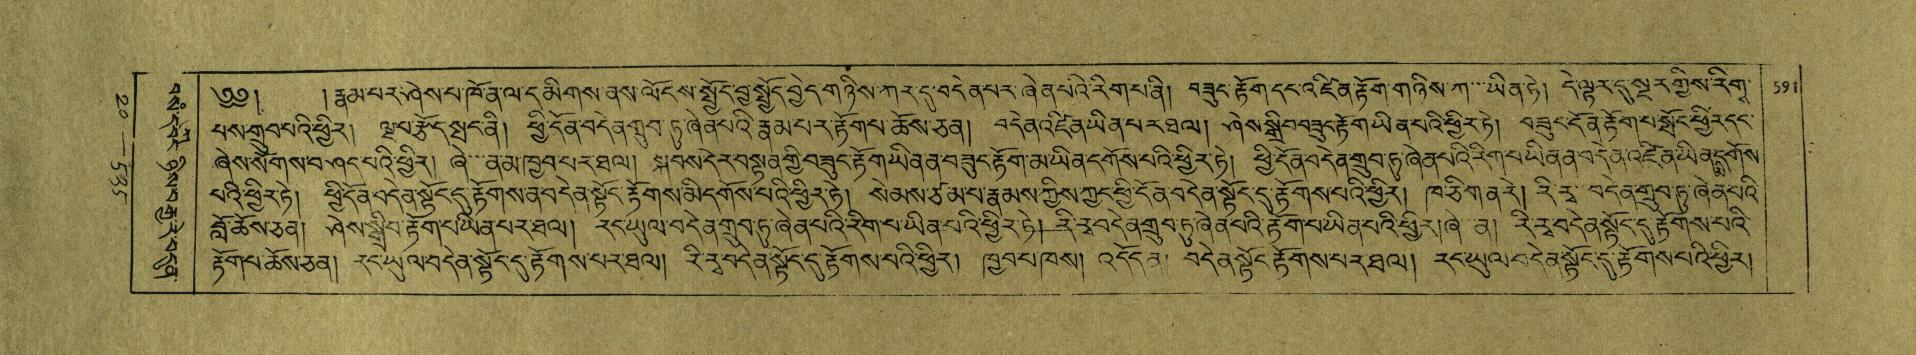༄༅། །རྣམ་པར་ཤེས་པ་ཁོ་ན་ལ་དམིགས་ནས་ལོངས་སྤྱོད་བྱ་སྤྱོད་བྱེད་གཉིས་ཀར་དུ་བདེན་པར་ཞེན་པའི་རིག་པ་ནི། བཟུང་རྟོག་དང་འཛིན་རྟོག་གཉིས་ཀ་ཡིན་ཏེ། དེ་ལྟར་དུ་སྔར་གྱིས་རིགས་
པས་གྲུབ་པའི་ཕྱིར། ལྔ་བརྩོད་སྤང་ནི། ཕྱི་དོན་བདེན་གྲུབ་ཏུ་ཞེན་པའི་རྣམ་པར་རྟོག་པ་ཆོས་ཅན། བདེན་འཛིན་ཡིན་པར་ཐལ། ཤེས་སྒྲིབ་བཟུང་རྟོག་ཡིན་པའི་ཕྱིར་ཏེ། བཟུང་དོན་རྟོག་པ་སྤོང་ཕྱིར་དང་
ཞེས་སོགས་བཤད་པའི་ཕྱིར། ཞེ་ན་མ་ཁྱབ་པར་ཐལ། སྐབས་དེར་བསྟན་གྱི་བཟུང་རྟོག་ཡིན་ན་བཟུང་རྟོག་མ་ཡིན་དགོས་པའི་ཕྱིར་ཏེ། ཕྱི་དོན་བདེན་གྲུབ་ཏུ་ཞེན་པའི་རིག་པ་ཡིན་ན་བདེན་འཛིན་ཡིན་མ་དགོས་
པའི་ཕྱིར་ཏེ། ཕྱི་དོན་བདེན་སྟོང་དུ་རྟོགས་ན་བདེན་སྟོང་རྟོགས་མི་དགོས་པའི་ཕྱིར་ཏེ། སེམས་ཙམ་པ་རྣམས་ཀྱིས་ཀྱང་ཕྱི་དོན་བདེན་སྟོང་དུ་རྟོགས་པའི་ཕྱིར། ཁ་ཅིག་ན་རེ། རི་རྭ་བདེན་གྲུབ་ཏུ་ཞེན་པའི་
བློ་ཆོས་ཅན། ཤེས་སྒྲིབ་རྟོག་པ་ཡིན་པར་ཐལ། རང་ཡུལ་བདེན་གྲུབ་ཏུ་ཞེན་པའི་རིག་པ་ཡིན་པའི་ཕྱིར་ཏེ། རི་རྭ་བདེན་གྲུབ་ཏུ་ཞེན་པའི་རྟོག་པ་ཡིན་པའི་ཕྱིར། ཞེ་ན། རི་རྭ་བདེན་སྟོང་དུ་རྟོགས་པའི་
རྟོག་པ་ཆོས་ཅན། རང་ཡུལ་བདེན་སྟོང་དུ་རྟོགས་པར་ཐལ། རི་རྭ་བདེན་སྟོང་དུ་རྟོགས་པའི་ཕྱིར། ཁྱབ་པ་ཁས། འདོད་ན། བདེན་སྟོང་རྟོགས་པར་ཐལ། རང་ཡུལ་བདེན་སྟོང་དུ་རྟོགས་པའི་ཕྱིར།